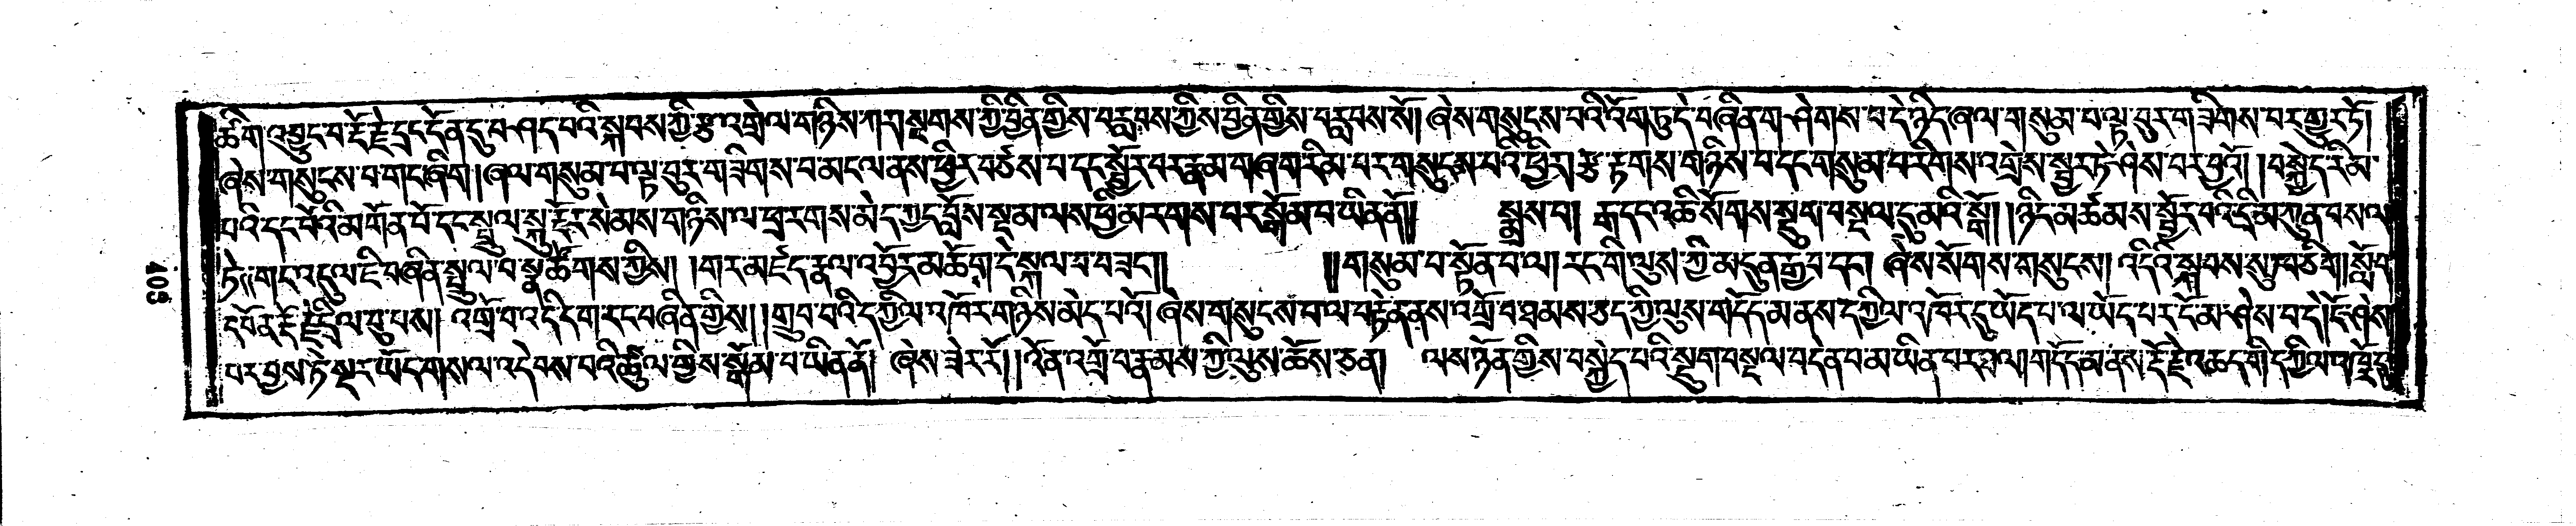ཚིག་འབྱུང་བ་རྡོ་རྗེ་དྲང་དོན་དུ་བཤད་པའི་སྐབས་ཀྱི་རྩ་འགྲེལ་གཉིས་ཀར་སྔགས་ཀྱི་བྱིན་གྱིས་བརླབས་ཀྱིས་བྱིན་གྱིས་བརླབས་སོ། །ཞེས་གསུངས་པའི་འོག་ཏུ་དེ་བཞིན་གཤེགས་པ་དེ་ཉིད་ཞལ་གསུམ་པ་ལྟ་བུར་གཟིགས་པར་གྱུར་ཏོ།
ཞེས་གསུངས་པ་གང་ཞིག །ཞལ་གསུམ་པ་ལྟ་བུར་གཟིགས་བ་མངལ་ནས་ཕྱིར་བཙས་པ་དང་སྦྱོར་བར་རྣམ་གཞག་རིམ་པར་གསུངས་པའི་ཕྱིར། རྩ་རྟགས་གཉིས་པ་དང་གསུམ་པ་རིགས་འགྲེས་སྦྱར་ཏེ་ཤེས་བར་བྱའོ། །བསྐྱེད་རིམ་
པའི་དང་པོའི་མགོན་པོ་དང་སྤྲུལ་སྐུ་རྡོར་སེམས་གཉིས་ལ་ཕྲ་རགས་མེད་ཀྱང་བློས་སྔ་མ་ལས་ཕྱི་མ་རགས་པར་སྒོམ་པ་ཡིན་ནོ། །སྨས་བ། རྒ་དང་འཆི་སོགས་སྡུག་བསྔལ་དུ་མའི་སྒོ། །ཉིད་མཚམས་སྦྱོར་བའི་དྲི་མ་ཀུན་བསལ་
ཏེ། །གང་འདུལ་ཇི་བཞིན་སྤྲུལ་བ་སྣ་ཚོགས་ཀྱིས། །གར་མཛད་རྣལ་འབྱོར་མཆོག་དེ་སྐལ་བ་བཟང།། །།གསུམ་པ་སྟོན་པ་ལ། རང་གི་ལུས་ཀྱི་མདུན་རྒྱབ་དང་། ཞེས་སོགས་གསུངས། འདིའི་སྐབས་སུ་ཁ་ཅིག །སློབ་
དཔོན་རྡོ་རྗེ་དྲིལ་བུ་པས། འགྲོ་བ་འདི་དག་རང་བཞིན་གྱིས། །གྲུབ་པའི་དཀྱིལ་འཁོར་གཉིས་མེད་པའོ། ཞེས་གསུངས་པ་ལ་བརྟེན་ནས་འགྲོ་བ་ཐམས་ཅད་ཀྱི་ལུས་གདོད་མ་ནས་དཀྱིལ་འཁོར་དུ་ཡོད་པ་ལ་ཡོད་པར་ངོ་མ་ཤེས་པ་དེ། ངོ་ཤེས་
བར་བྱས་ཏེ་སྔར་ཡོད་གསལ་འདེབས་པའི་ཚུལ་གྱིས་སྒོམ་པ་ཡིན་ནོ། ཞེས་ཟེར་རོ། །འོ་ན་འགྲོ་བ་རྣམས་ཀྱི་ལུས་མོས་ཅན། ལས་ཉོན་གྱིས་བསྐྱེད་པའི་སྡུག་བསྔལ་བདེན་པ་མ་ཡིན་པར་ཐལ། གདོད་མ་ནས་རྡོ་རྗེ་འཆང་གི་དཀྱིལ་འཁོར་དུ་